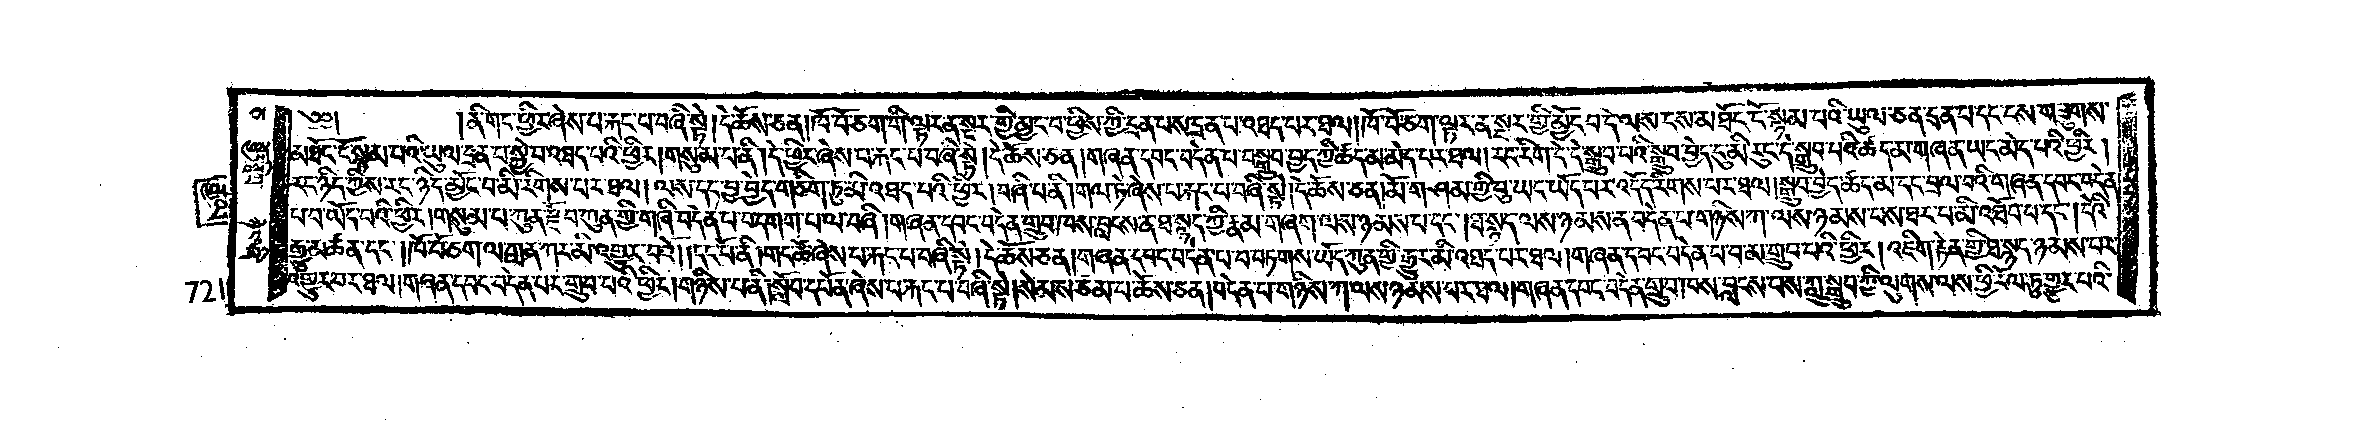༄༅། །ནི་གང་ཕྱིར་ཞེས་པ་རྐང་པ་བཞི་སྟེ། དེ་ཆོས་ཅན། ཁོ་བོ་ཅག་གི་ལྟར་ན་སྔར་གྱི་མྱང་བ་ཕྱིས་ཀྱི་དྲན་པས་དྲན་པ་འཐད་པར་ཐལ། ཁོ་བོ་ཅག་ལྟར་ན་སྔར་གྱི་མྱོང་བ་དེ་ལས་ངས་མཐོང་ངོ་སྙམ་པའི་ཡུལ་ཅན་དྲན་པ་དང་ངས་གཟུགས་
མཐོང་ངོ་སྙམ་པའི་ཡུལ་དྲན་པ་སྐྱེ་བ་འཐད་པའི་ཕྱིར། གསུམ་པ་ནི། དེ་ཕྱིར་ཞེས་པ་རྐང་པ་བཞི་སྟེ། དེ་ཆོས་ཅན། གཞན་དབང་བདེན་པ་བསྒྲུབ་བྱེད་ཀྱི་ཚད་མ་མེད་པར་ཐལ། རང་རིག་དེ་དེ་སྒྲུབ་པའི་སྒྲུབ་བྱེད་དུ་མི་རུང་དེ་སྒྲུབ་པའི་ཚད་མ་གཞན་ཡང་མེད་པའི་ཕྱིར།
རང་ཉིད་ཀྱིས་རང་ཉིད་མྱོང་བ་མི་རིགས་པར་ཐལ། ལས་དང་བྱ་བྱེད་གཅིག་ཏུ་མི་འཐད་པའི་ཕྱིར། བཞི་པ་ནི། གལ་ཏེ་ཞེས་པ་རྐང་པ་བཞི་སྟེ། དེ་ཆོས་ཅན། མོ་གཤམ་གྱི་བུ་ཡང་ཡོད་པར་འདོད་རིགས་པར་ཐལ། སྒྲུབ་བྱེད་ཚད་མ་དང་བྲལ་བའི་གཞན་དབང་བདེན་
པ་བ་ཡོད་པའི་ཕྱིར། གསུམ་པ་ཀུན་རྫོབ་ཀུན་གྱི་གཞི་བདེན་པ་བ་དགག་པ་ལ་བཞི། གཞན་དབང་བདེན་གྲུབ་ཁས་བླངས་ན་ཐ་སྙད་ཀྱི་རྣམ་གཞག་ལས་ཉམས་པ་དང་། ཐ་སྙད་ལས་ཉམས་ན་བདེན་པ་གཉིས་ཀ་ལས་ཉམས་པས་ཐར་པ་མི་འཐོབ་པ་དང་། དེའི་
རྒྱུ་མཚན་དང་། ཁོ་བོ་ཅག་ལ་ཀླན་ཀར་མི་འགྱུར་བའོ། །དང་པོ་ནི། གང་ཚེ་ཞེས་པ་རྐང་པ་བཞི་སྟེ། དེ་ཆོས་ཅན། གཞན་དབང་བདེན་པ་བ་བཏགས་ཡོད་ཀུན་གྱི་རྒྱུར་མི་འཐད་པར་ཐལ། གཞན་དབང་བདེན་པ་བ་མ་གྲུབ་པའི་ཕྱིར། འཇིག་རྟེན་གྱི་ཐ་སྙད་ཉམས་པར་
འགྱུར་བར་ཐལ། གཞན་དབང་བདེན་པར་གྲུབ་པའི་ཕྱིར། གཉིས་པ་ནི། སློབ་དཔོན་ཞེས་པ་རྐང་པ་བཞི་སྟེ། སེམས་ཙམ་པ་ཆོས་ཅན། བདེན་པ་གཉིས་ཀ་ལས་ཉམས་པར་ཐལ། གཞན་དབང་བདེན་གྲུབ་ཁས་བླངས་པས་ཀླུ་སྒྲུབ་ཀྱི་ལུགས་ལས་ཕྱི་རོལ་ཏུ་གྱུར་པའི་